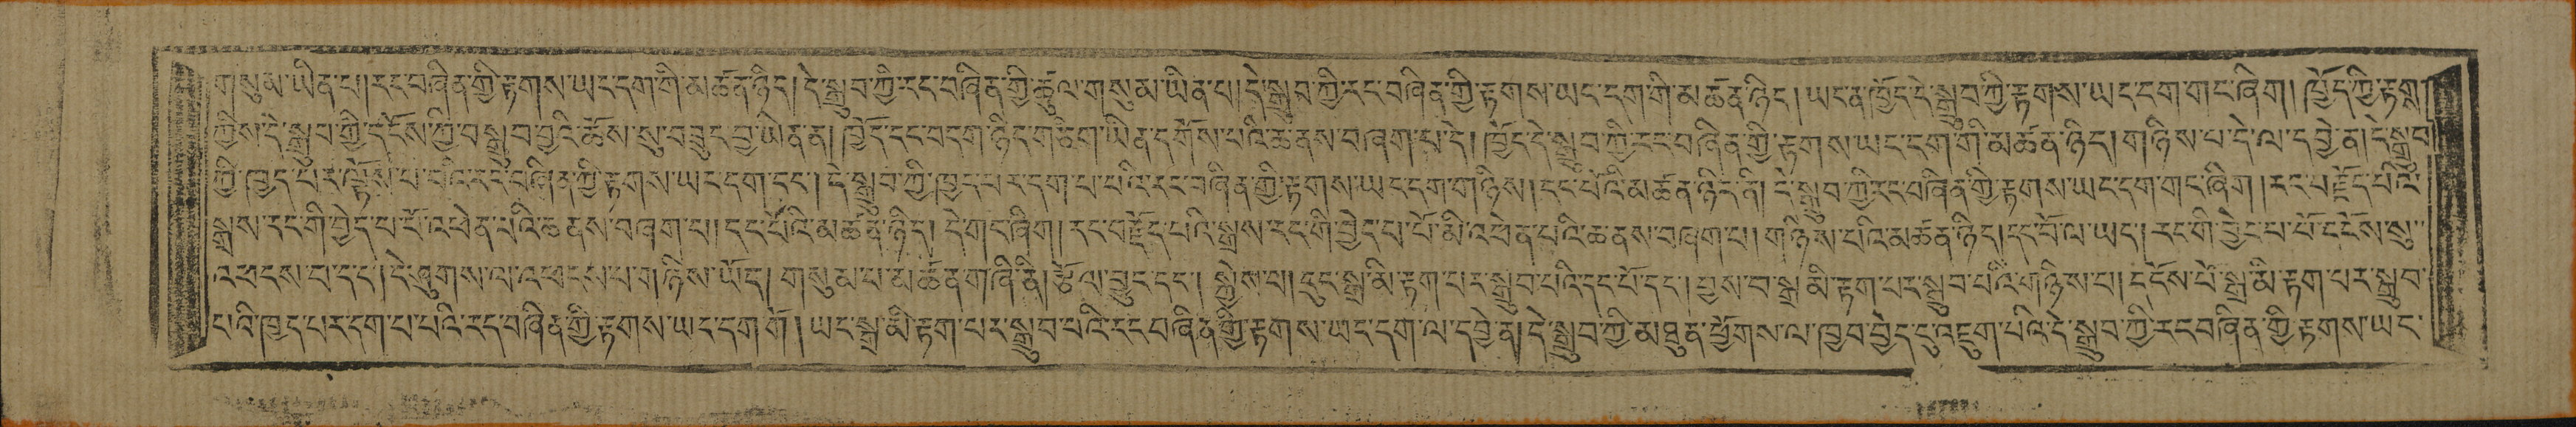གསུམ་ཡིན་པ། རང་བཞིན་གྱི་རྟགས་ཡང་དག་གི་མཚན་ཉིད། དེ་སྒྲུབ་ཀྱི་རང་བཞིན་གྱི་ཚུལ་གསུམ་ཡིན་པ། དེ་སྒྲུབ་ཀྱི་རང་བཞིན་གྱི་རྟགས་ཡང་དག་གི་མཚན་ཉིད། ཡང་ན་ཁྱོད་དེ་སྒྲུབ་ཀྱི་རྟགས་ཡང་དག་གང་ཞིག །ཁྱོད་ཀྱི་རྟགས་
ཀྱིས་དེ་སྒྲུབ་ཀྱི་དངོས་ཀྱི་བསྒྲུབ་བྱའི་ཆོས་སུ་བཟུང་བྱ་ཡིན་ན། ཁྱོད་དང་བདག་ཉིད་གཅིག་ཡིན་དགོས་པའི་ཆ་ནས་བཞག་པ་དེ། ཁྱོད་དེ་སྒྲུབ་ཀྱི་རང་བཞིན་གྱི་རྟགས་ཡང་དག་གི་མཚན་ཉིད། གཉིས་པ་དེ་ལ་དབྱེ་ན། དེ་སྒྲུབ་
ཀྱི་ཁྱད་པར་ལྟོས་པ་བའི་རང་བཞིན་ཀྱི་རྟགས་ཡང་དག་དང་། དེ་སྒྲུབ་ཀྱི་ཁྱད་པར་དག་པ་བའི་རང་བཞིན་གྱི་རྟགས་ཡང་དག་གཉིས། དང་པོའི་མཚན་ཉིད་ནི། དེ་སྒྲུབ་ཀྱི་རང་བཞིན་གྱི་རྟགས་ཡང་དག་གང་ཞིག །རང་བརྗོད་པའི་
སྒྲས་རང་གི་བྱེད་པ་པོ་འཕེན་པའི་ཆ་ནས་བཞག་པ། དང་པོའི་མཚན་ཉིད། དེ་གང་ཞིག །རང་བརྗོད་པའི་སྒྲས་རང་གི་བྱེད་པ་པོ་མི་འཕེན་པའི་ཆ་ནས་བཞག་པ། གཉིས་པའི་མཚན་ཉིད། དང་པོ་ལ་ཡང་། རང་གི་བྱེད་པ་པོ་དངོས་སུ་
འཕངས་པ་དང་། དེ་ཤུགས་ལ་འཕངས་པ་གཉིས་ཡོད། གསུམ་པ་མཚན་གཞི་ནི། རྩོལ་བྱུང་དང་། སྐྱེས་པ། དུང་སྒྲ་མི་རྟག་པར་སྒྲུབ་པའི་དང་པོ་དང་། བྱས་པ་སྒྲ་མི་རྟག་པར་སྒྲུབ་པའི་གཉིས་པ། དངོས་པོ་སྒྲ་མི་རྟག་པར་སྒྲུབ་
པའི་ཁྱད་པར་དག་པ་བའི་རང་བཞིན་གྱི་རྟགས་ཡང་དག་གོ ། ཡང་སྒྲ་མི་རྟག་པར་སྒྲུབ་པའི་རང་བཞིན་གྱི་རྟགས་ཡང་དག་ལ་དབྱེ་ན། དེ་སྒྲུབ་ཀྱི་མཐུན་ཕྱོགས་ལ་ཁྱབ་བྱེད་དུ་འཇུག་པའི་དེ་སྒྲུབ་ཀྱི་རང་བཞིན་གྱི་རྟགས་ཡང་